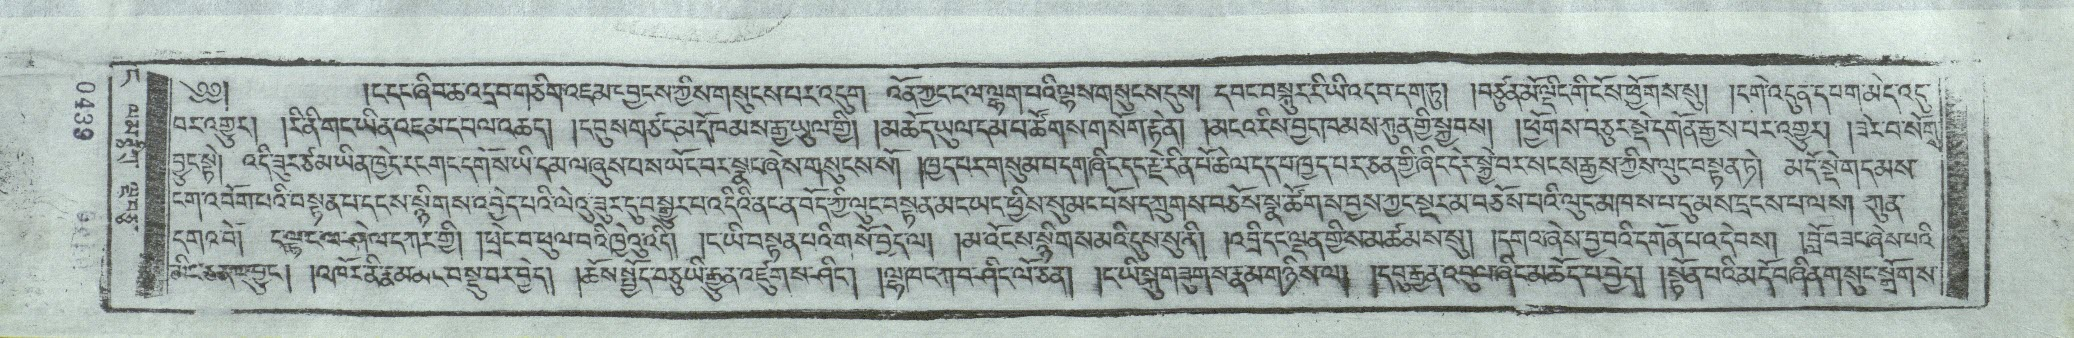༄༅། །ང་དང་ཞིབ་ཆ་འདྲ་བ་གཅིག་འཇམ་དབྱངས་ཀྱིས་གསུངས་བར་འདུག་འོ་ན་ཀྱང་ང་ལ་ལྷག་པའི་ལྷས་གསུངས་དུས། དབང་བསྐུར་རི་ཡི་འདབ་དག་ཏུ། །བཙུན་མོ་ལྡིང་གི་ངོས་ཕྱོགས་སུ། །དགེ་འདུན་དཔག་མེད་འདུ་
བར་འགྱུར། །རི་ནི་གང་ཡིན་འཇམ་དཔལ་འཆད། །དབུས་གཙང་མདོ་ཁམས་རྒྱ་ཡུལ་གྱི། །མཆོད་ཡུལ་དམ་པ་ཚོགས་གསོག་རྟེན། །མངའ་རིས་བྱང་ཁམས་ཀུན་གྱི་སྐྱབས། །ཕྱོགས་བཅུར་སྡེ་དགོན་རྒྱས་པར་འགྱུར། །ཟེར་བ་སོགས་
བྱུང་སྟེ། འདི་ཟུར་ཙམ་ཡིན་ཁྱེད་རང་གང་དགོས་ཡི་དམ་ལ་ཞུས་པས་ཡོང་བར་སྣང་ཞེས་གསུངས་སོ། །ཁྱད་པར་གསུམ་པ་དག་ཞིང་དང་རྗེ་རིན་པོ་ཆེ་ལ་དད་པ་ཁྱད་པར་ཅན་གྱི་ཞིང་དེར་སྐྱེ་བར་སངས་རྒྱས་ཀྱིས་ལུང་བསྟན་ཏེ། མདོ་སྡེ་གདམས་
ངག་འབོག་པའི་བསྟན་པ་དངས་སྙིགས་འབྱེད་པའི་ལེའུ་ཟུར་དུ་བསྒྱུར་པ་འདིའི་ནང་ན་བོད་ཀྱི་ལུང་བསྟན་མང་ཡང་ཕྱིས་སུ་མང་པོས་དཀྲུགས་བཅོས་སྣ་ཚོགས་བྱས་ཀྱང་སྔར་མ་བཅོས་པའི་ལུང་མཁས་པ་དུ་མས་དྲངས་པ་ལས། ཀུན་
དགའ་བོ། ད་ལྷ་ང་ལ་ཤེལ་དཀར་གྱི། །ཕྲེང་བ་ཕུལ་བའི་ཁྱེའུ་འདི། །ང་ཡི་བསྟན་པའི་གསོ་བྱེད་ལ། །མ་འོངས་སྙིགས་མའི་དུས་སུ་ནི། །འབྲི་དང་ལྡན་གྱི་ས་མཚམས་སུ། །དགའ་ཞེས་བྱ་བའི་དགོན་པ་འདེབས། །བློ་བཟང་ཞེས་པའི་
མིང་ཅན་འབྱུང་། །འཁོར་ནི་རྣམ་མང་བསྡུ་བར་བྱེད། །ཆོས་སྤྱོད་བཅུ་ཡི་རྒྱུན་འཛུགས་ཤིང་། །ལྷ་ཁང་ཀ་བ་ཤིང་ལོ་ཅན། །ང་ཡི་སྐུ་གཟུགས་རྣམ་གཉིས་ལ། །དབུ་རྒྱན་འབུལ་ཞིང་མཆོད་པ་བྱེད། །སྟོན་པའི་མདོ་བཞིན་གསུང་སྒྲོགས་